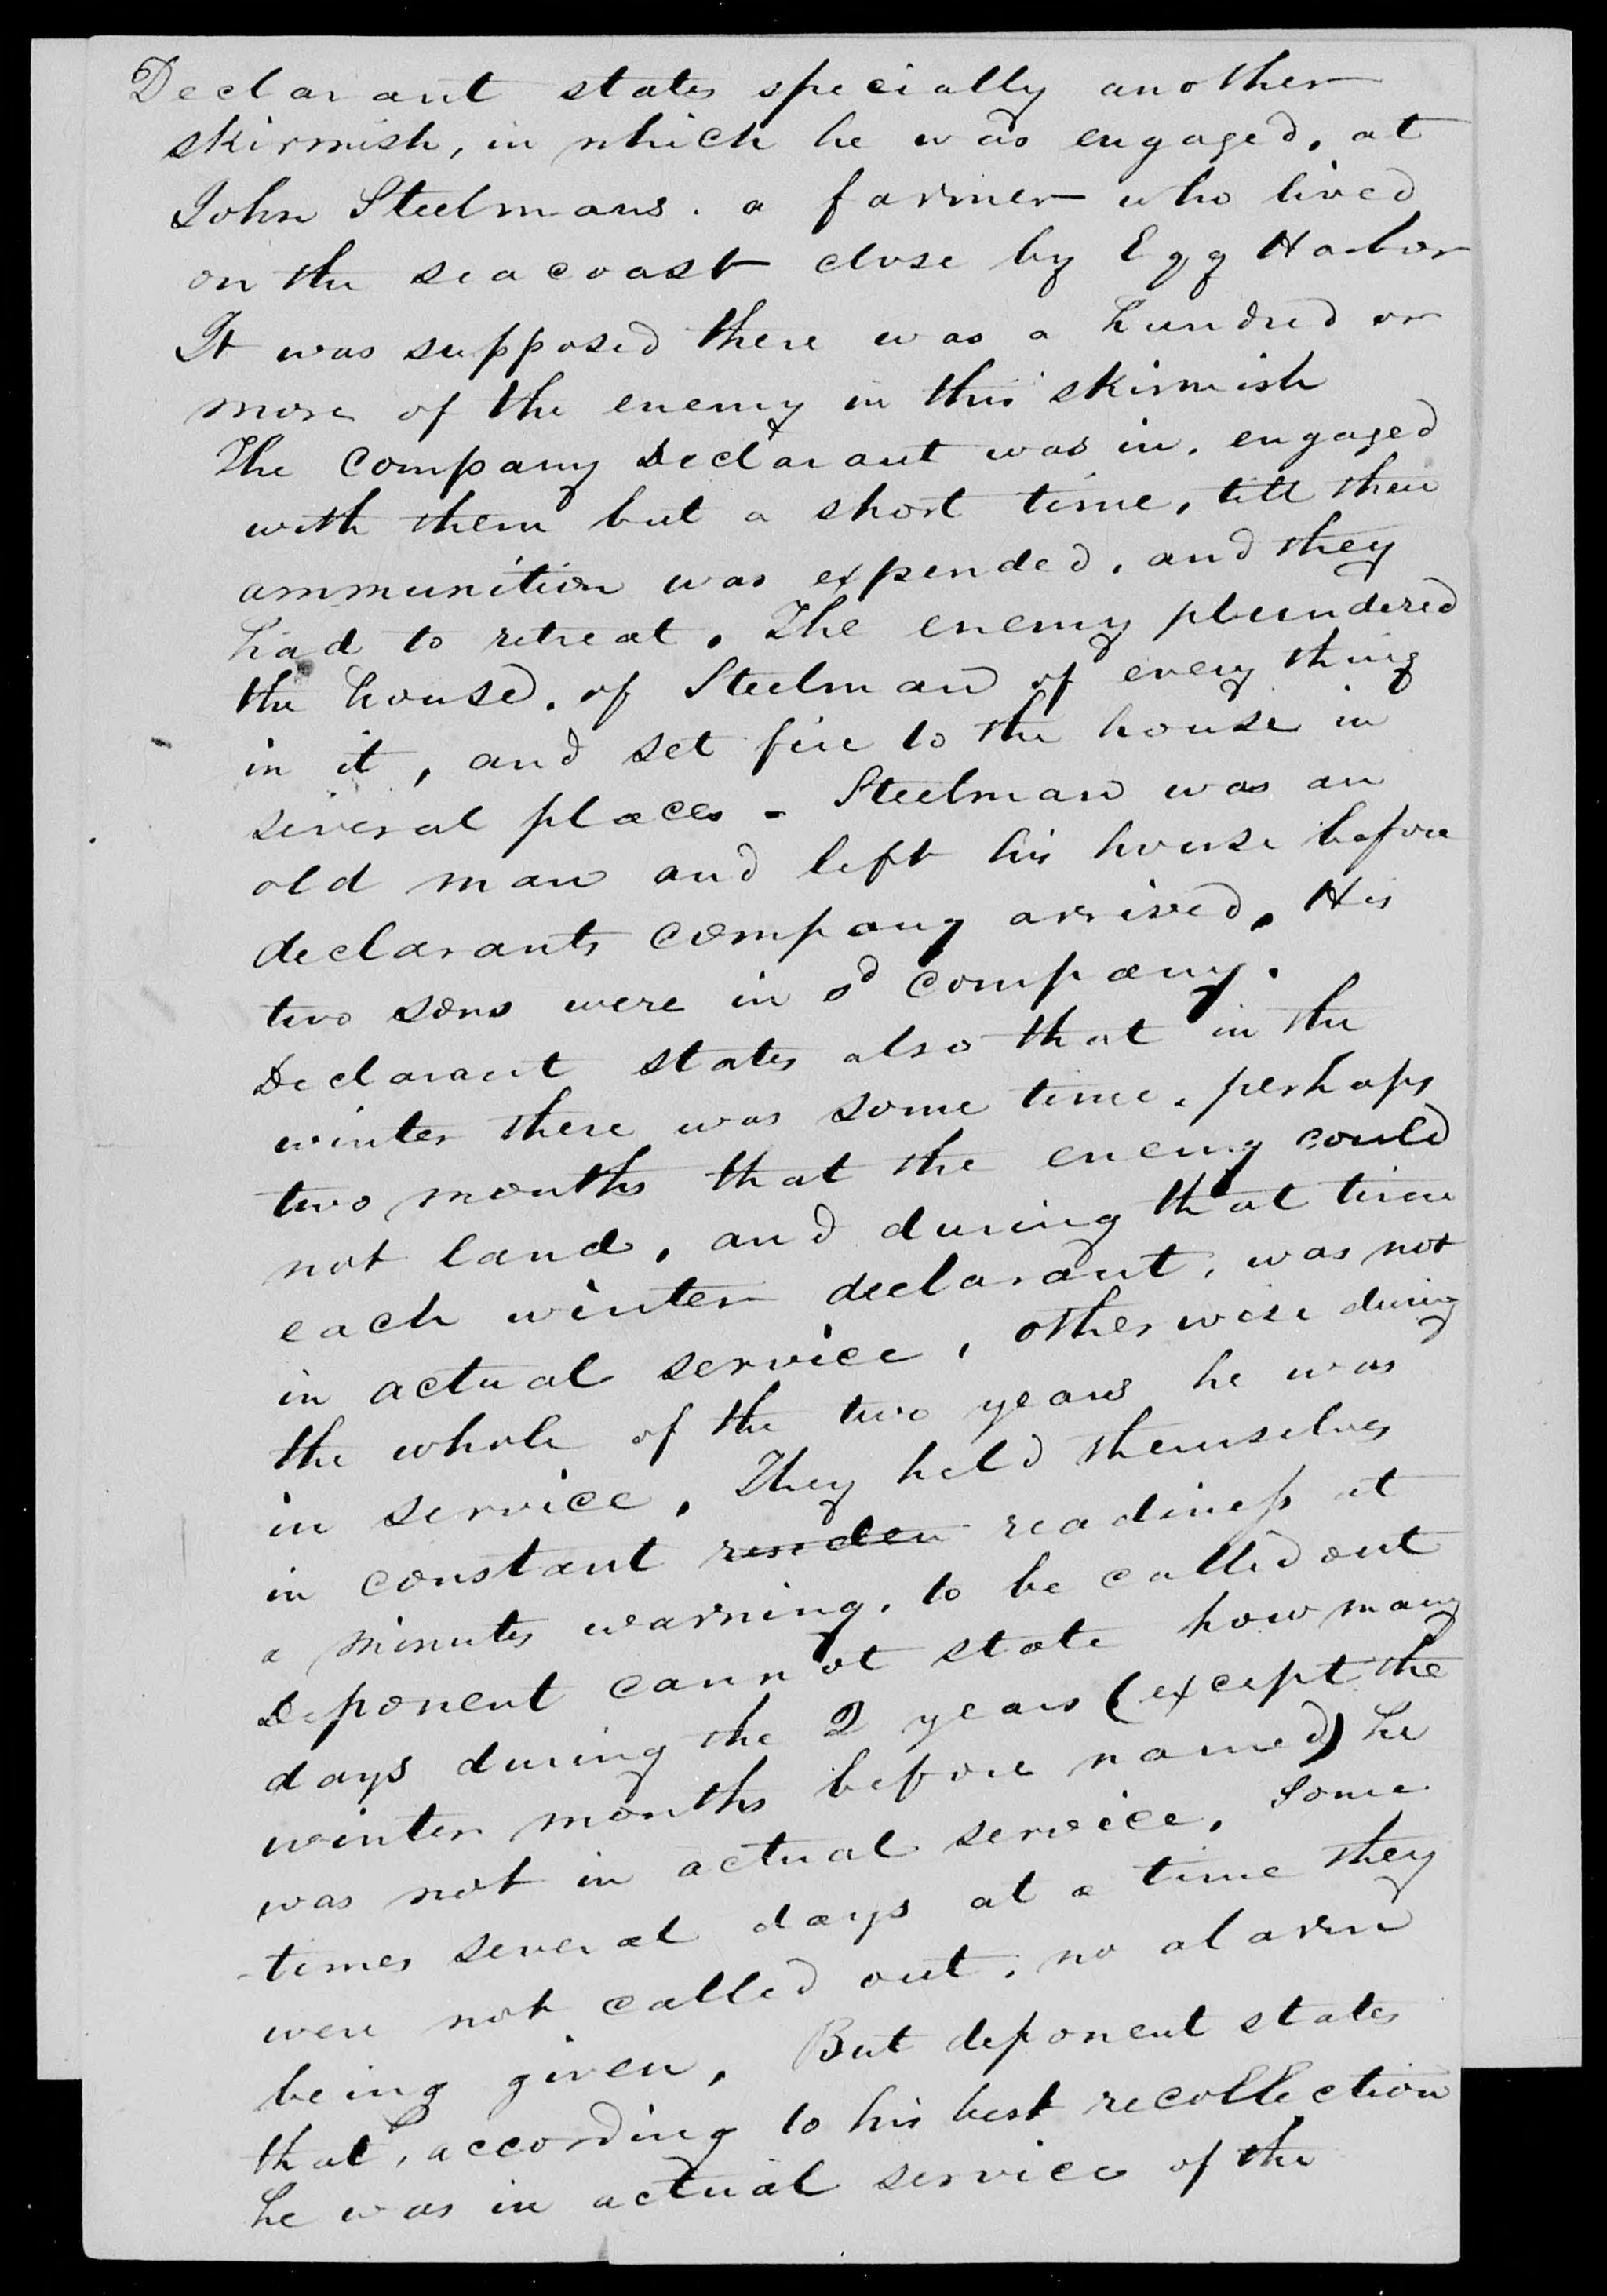Declarant states specially another skirmish, in which he was engaged, at John Steelmans a farmer who lived on the sea coast close by Egg Harbor  It was supposed there was a hundred or more of the enemy in his skirmish The company Declarant was in engaged with them but a short time, till their ammunition was expended, and they had to retreat. The enemy plundered the house, of Steelman of everything in it, and set fire to the house in several places. Steelman was an old man and left his house before declarant company arrived. His two sons were in a company. Declarant states also that in the winter there was some time perhaps two months that the enemy could not land, and during that their each winter declarant, was not in actual of the two years he was in service. They held themselves in constant readings at a minutes warning, to be called out Deponent cannot state how many days during the 2 years (except the winter months before named) he was not in actual service. Sometimes several days at a time they were not called out, no alarm being given. But deponent states that, according to his best recollection he was in actual service of the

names: John Steelman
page: 5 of 38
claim: survivor's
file: S 31817, for James Leeds, New Jersey